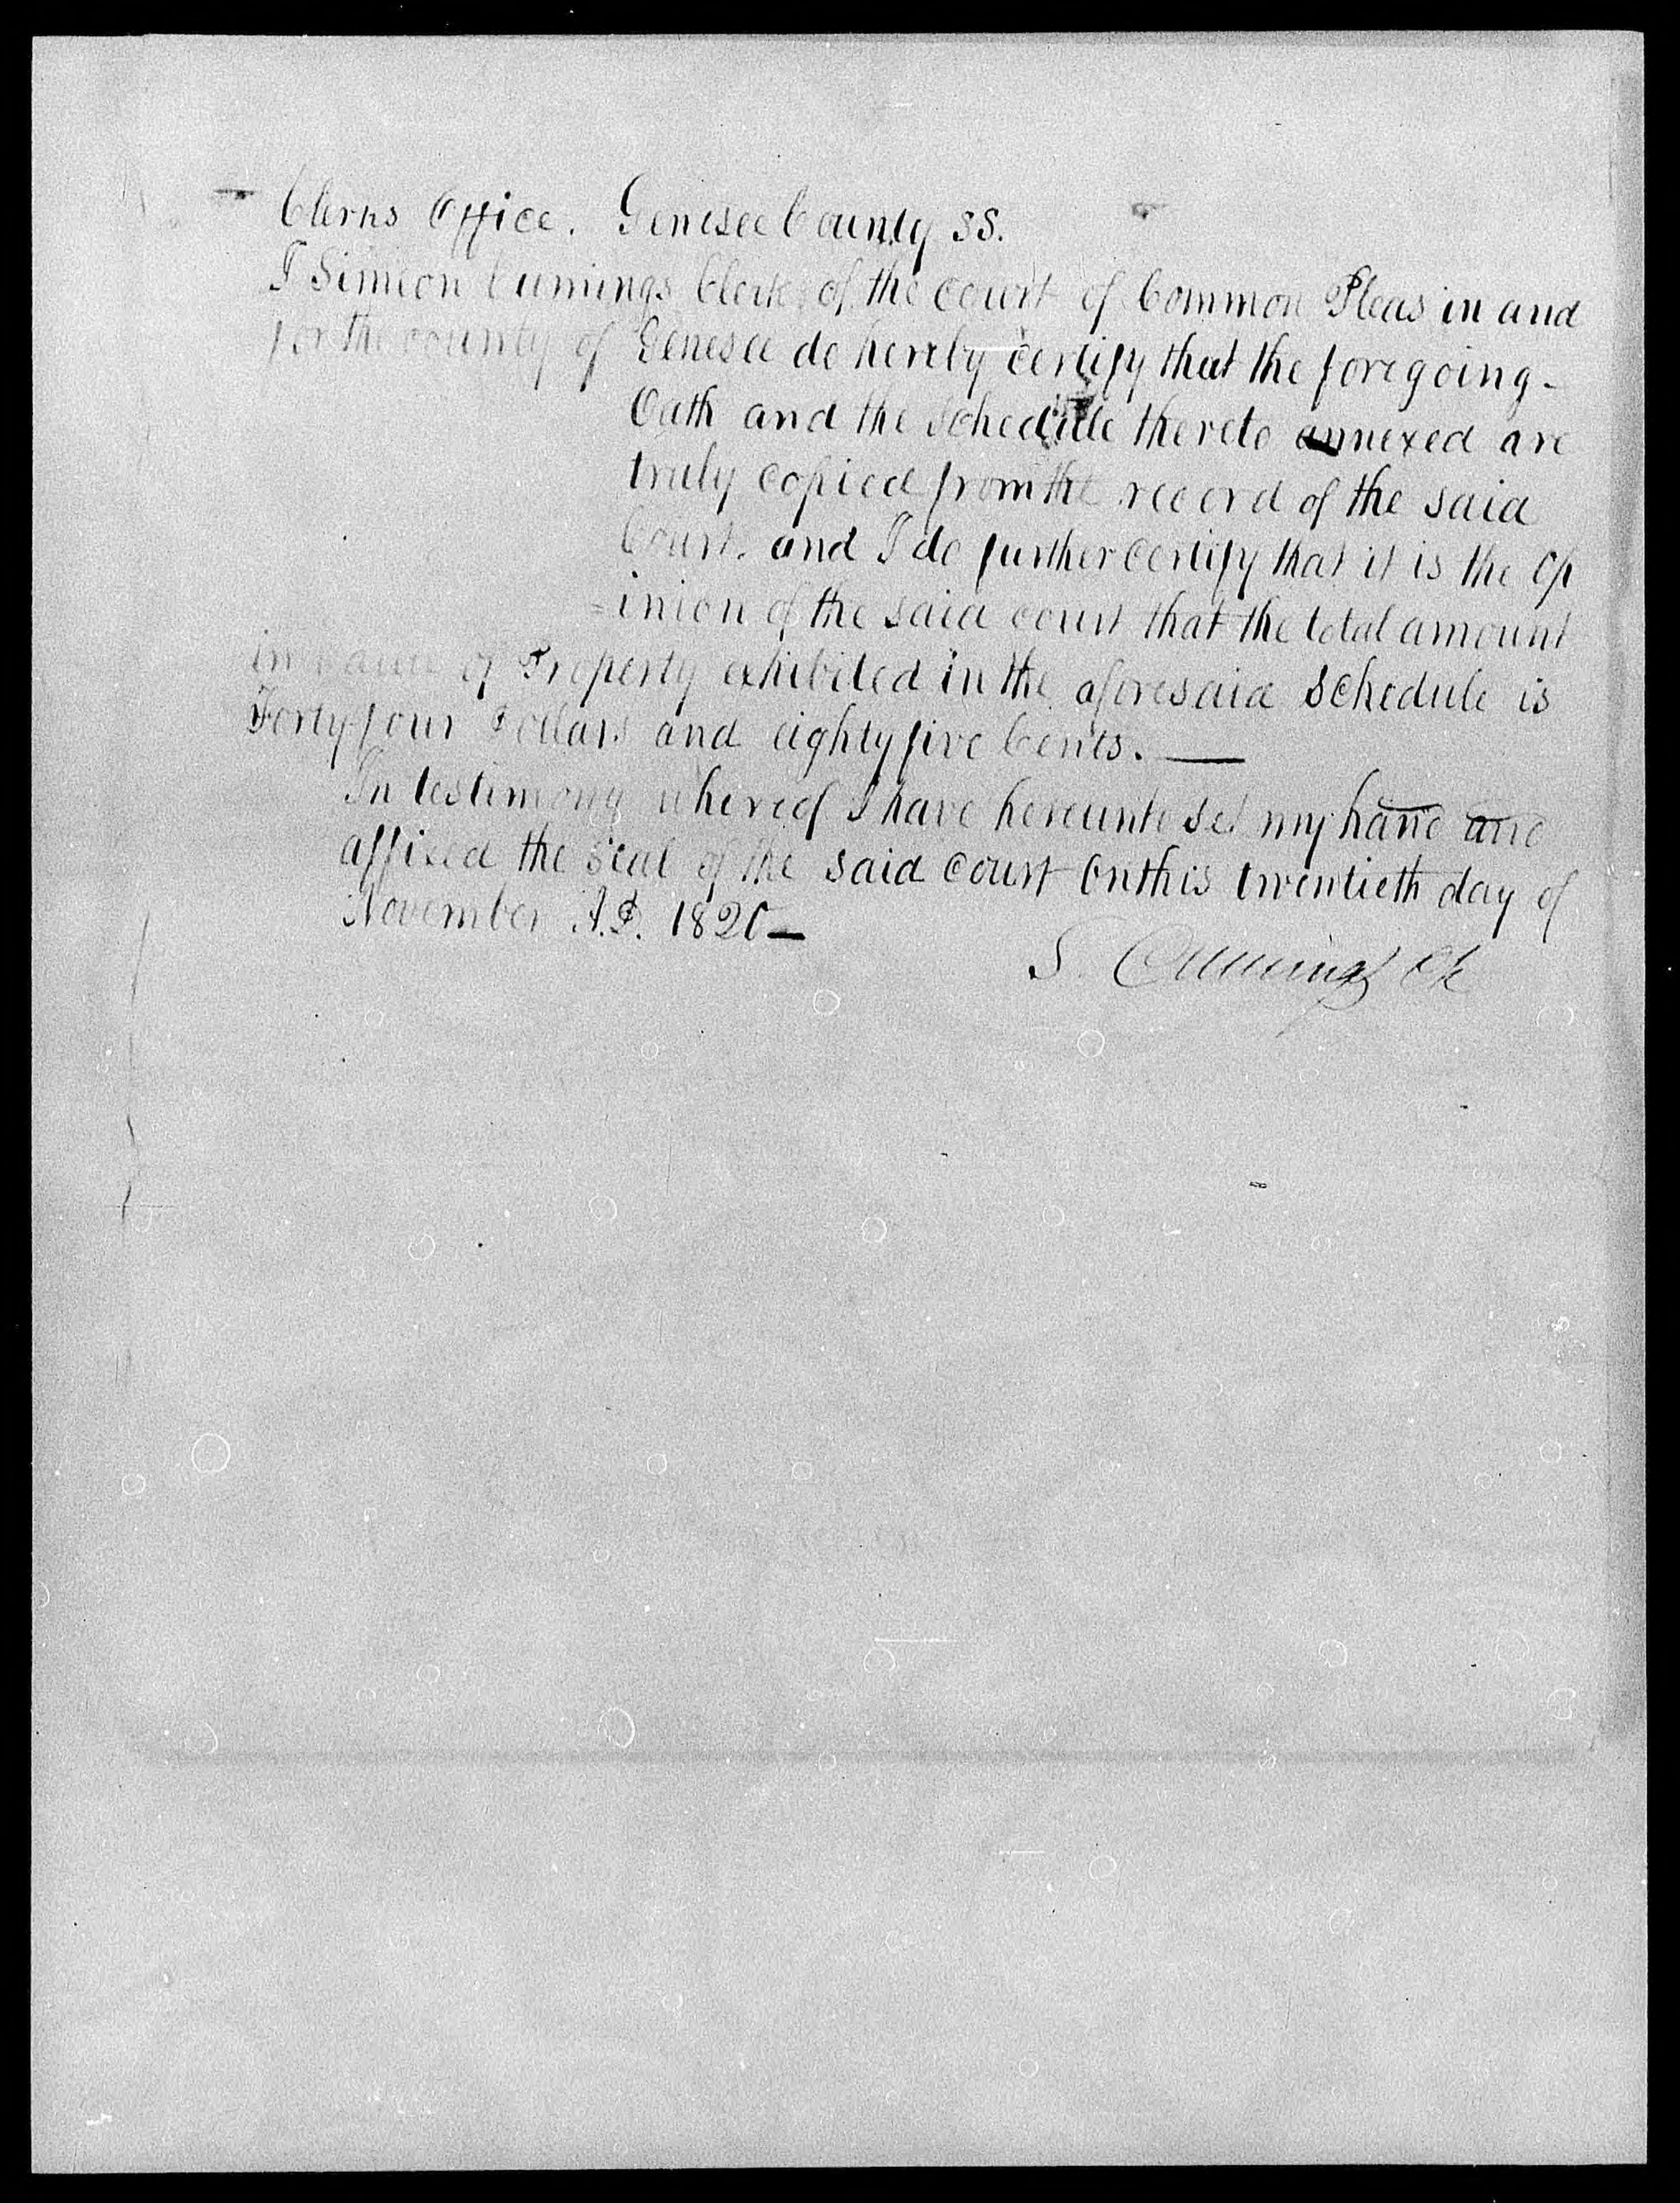Clerks Office. Genesee County SS.
I Simeon Cumings Clerk of the court of Common Pleas in and for the county of Genesee do hereby certify that the foregoing Oath and the Schedule thereto annexed are truly copied from the record of the said Court and I do further certify that it is the opinion of the said Court that the total amount in value of Property exhibited in the aforesaid Schedule is Forty-four Dollars and eighty five Cents. -
In testimony whereof I have hereunto set my hand and affixed the seal of the said Court on this twentieth day of November AD. 1820 -
S. Cumings Ck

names: Simeon Cumings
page: 23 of 36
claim: survivor's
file: S. 42,792, for John Kimball, Connecticut